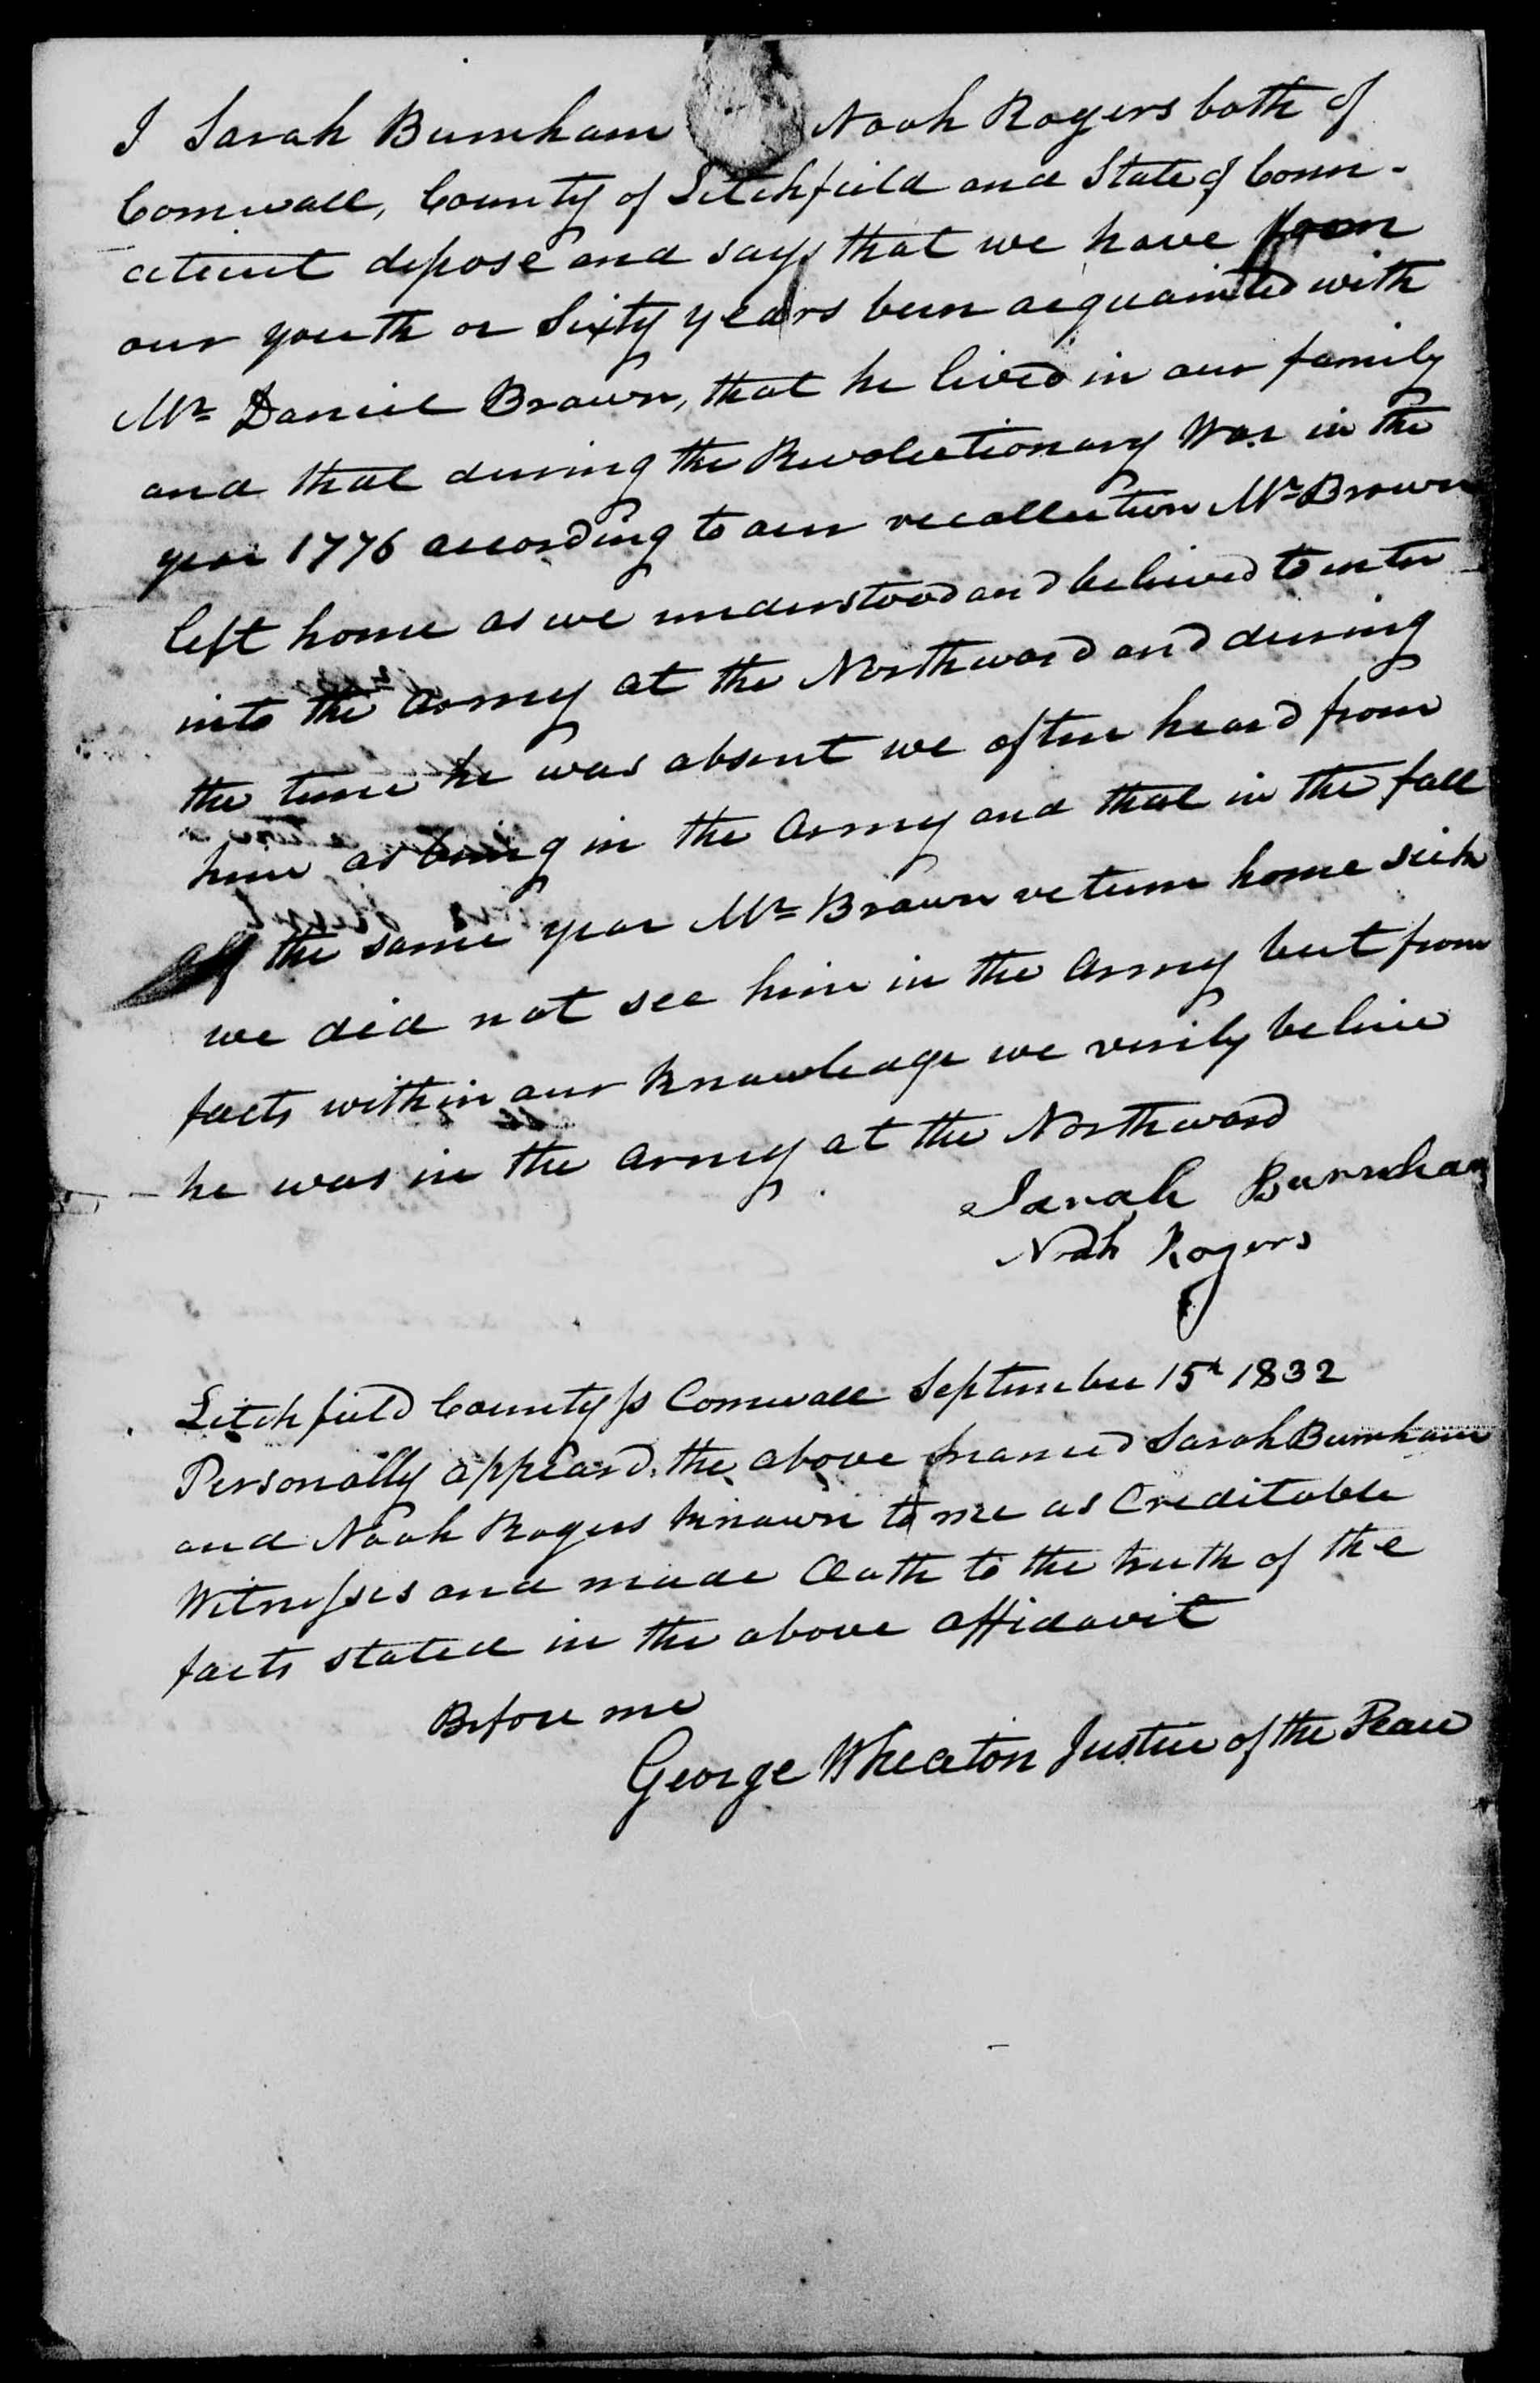I Sarah Burnham Noah Rogers both of Cornwall, County of Litchfield and state of Connecticut depose and say that we have from our youth or sixty years been acquainted with Mr. Daniel Brown, that he lived in our family and that during the Revolutionary War in the year 1776 according to our recollection Mr. Brown left home as we understood and believed to to enter into the army at the Northward and during the time he was absent we often heard from him as being in the Army and that in the fall of the same year Mr. Brown return home sick. We did not see him in the Army but from facts within our knowledge we verily believe he was in the army at the Northward
Sarah Burnham
Noah Rogers

Litchfield County Ss Cornwall September 15th 1832
Personally appeared the above named Sarah Burnham and Noah Rogers known to me as creditable witnesses and made oath to the truth of the facts stated in the above affidavit.
Before me
George Wheaton Justice of the Peace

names: Daniel Brown, Brown, Noah Rogers Brown, Sarah Burnham, Noah Rogers, Sarah Burnham, Brown, Sarah Burnham, George Wheaton, Noah Rogers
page: 22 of 37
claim: widow's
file: W. 20,787, Daniel Brown, Conn. Navy.